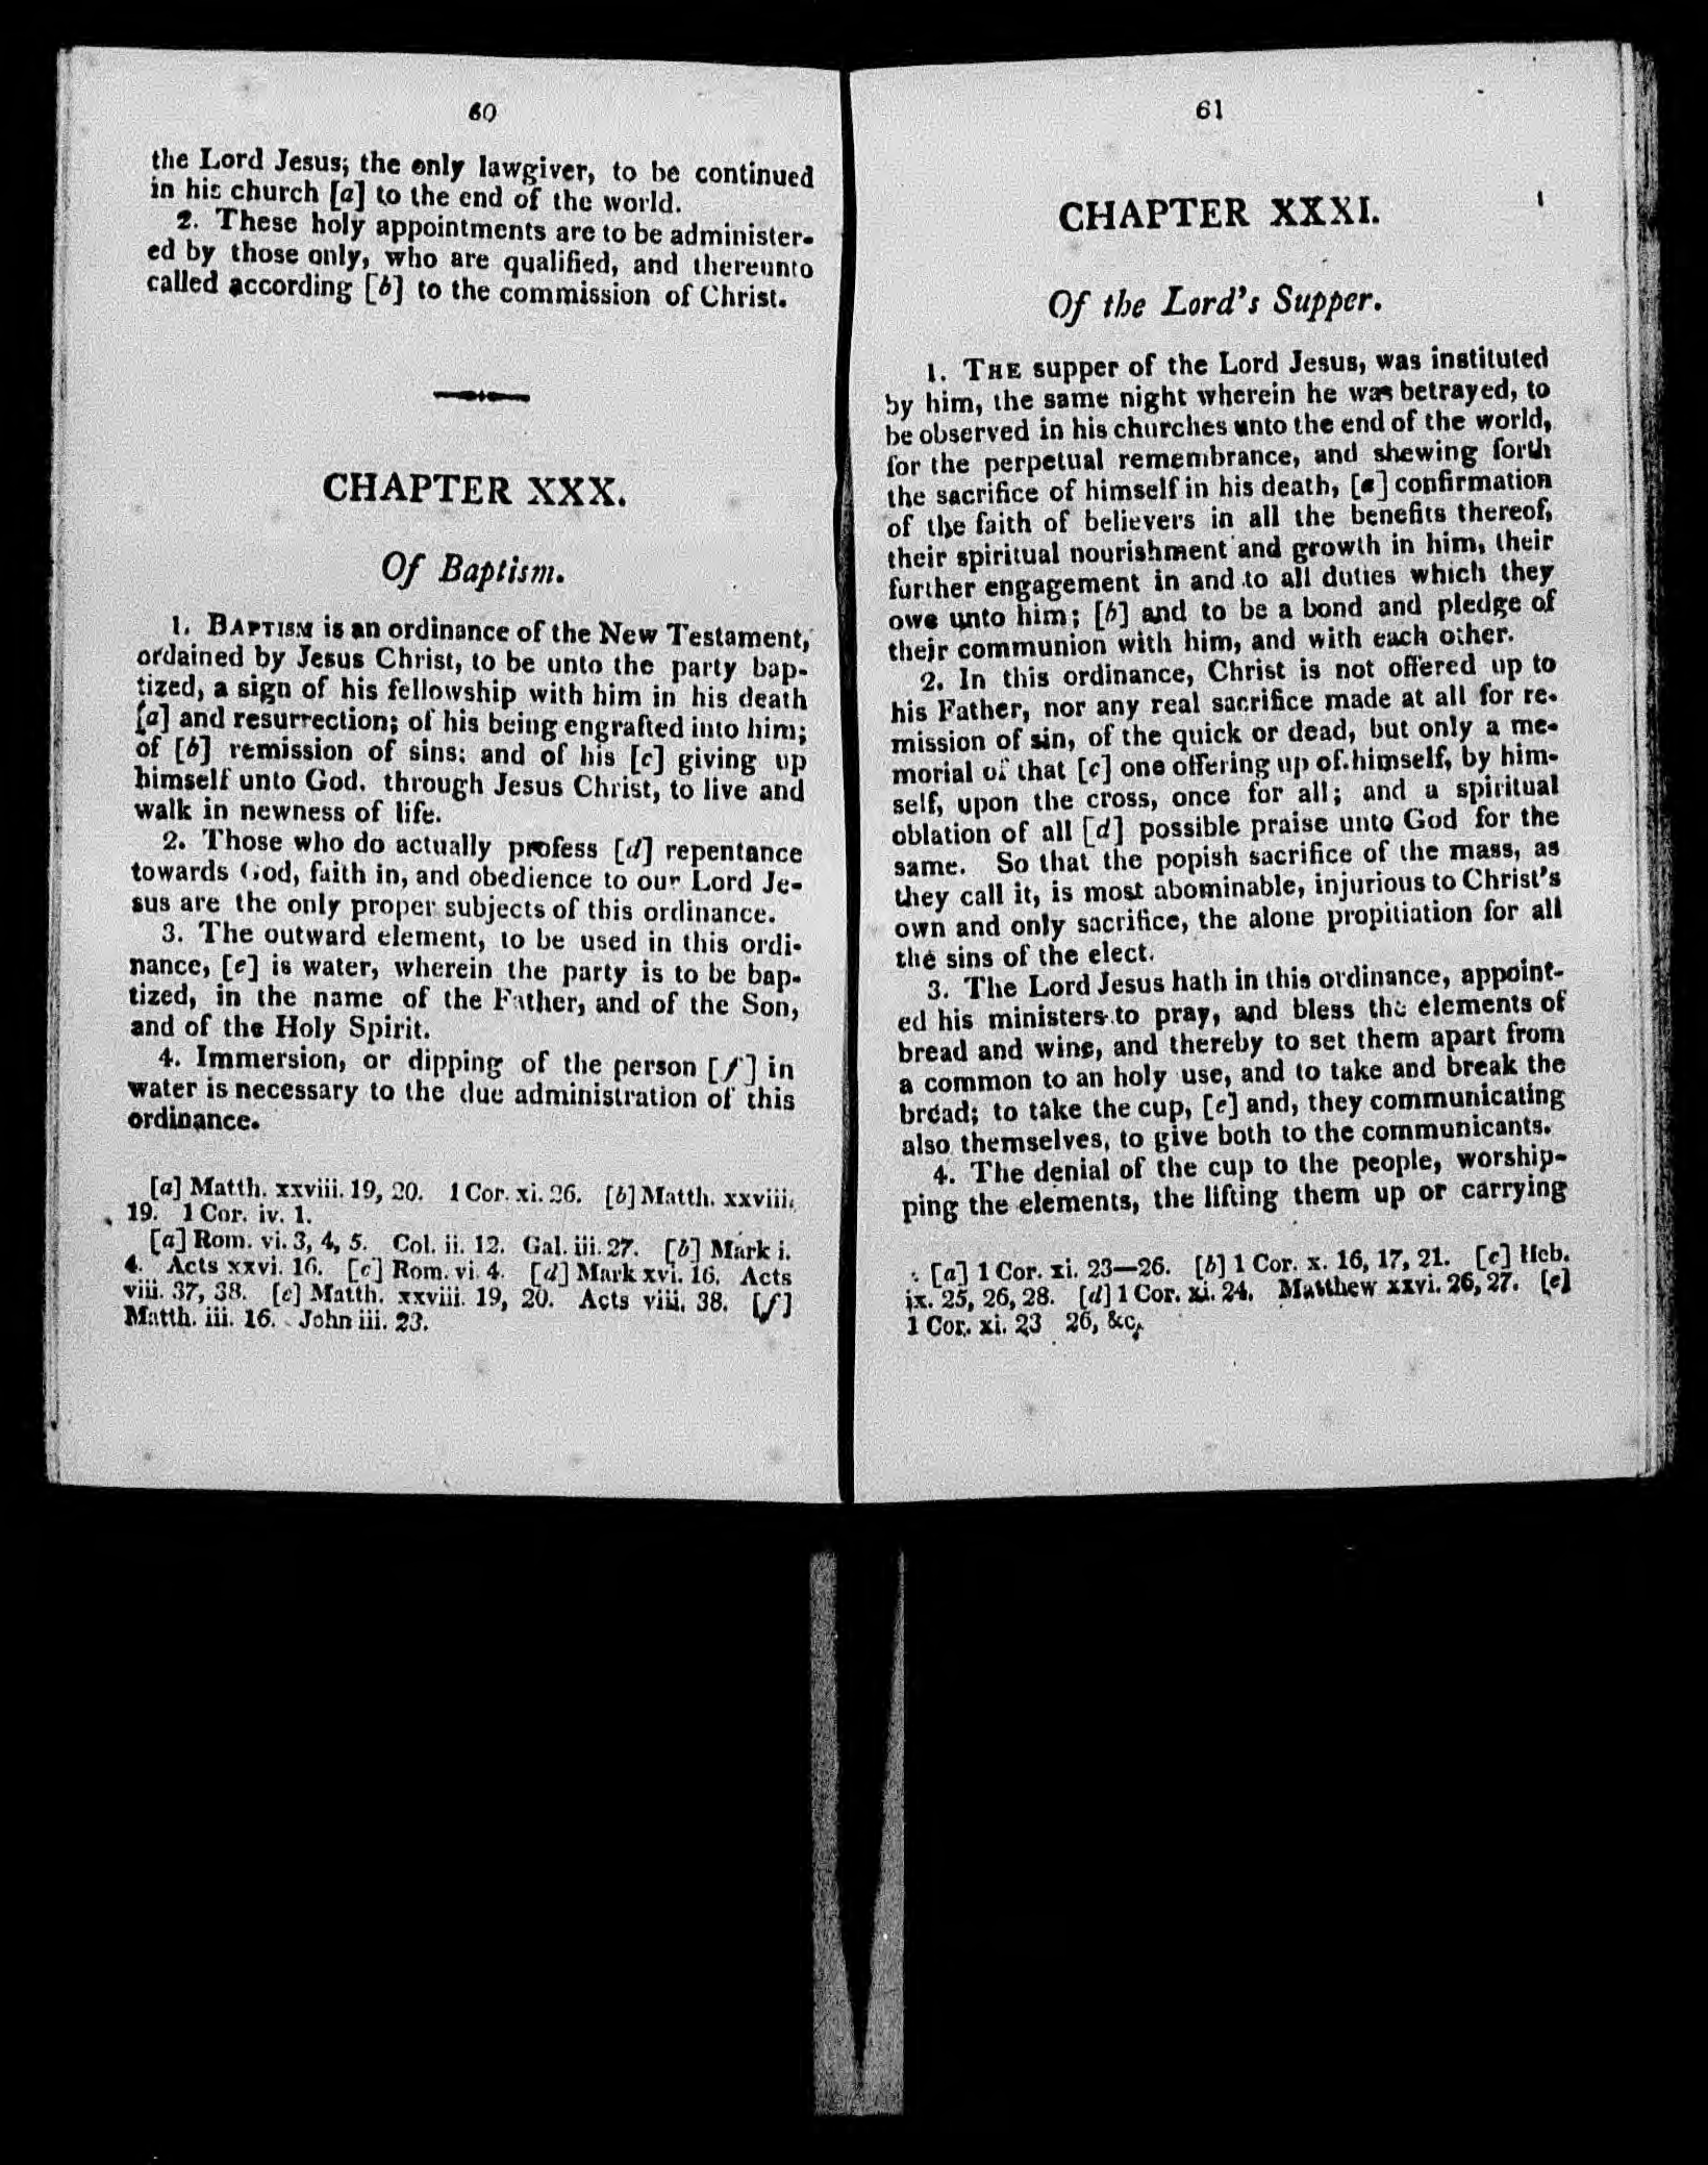60

the Lord Jesus, the only lawgiver, to be continued
in his church [a] to the end of the world.
2. These holy appointments are to be administered
by those only, who are qualified, and thereunto
called according [b] to the commission of Christ.

---------------

CHAPTER XXX.
Of Baptism.

1.Baptism is an ordinance of the New Testament,
ordained by Jesus Christ, to be unto the party baptized, a sign of his fellowship with him in his death
[a] and resurrection; of his being engrafted into him;
of [b] remission of sins; and of his [c] giving up
himself unto God, through Jesus Christ, to live and
walk in newness of life.
2. Those who do actually profess a repentance
towards God, faith in, and obedience to our Lord Jesus are the only proper subjects of this ordinance.
3. The outward element, to be used in this ordinance, [e] is water, wherein the party is to be baptized,
in the name of the Father, and of the Son,
and of the Holy Spirit.
4. Immersion, or dipping of the person [f] in
water is necessary to the due administration of this
ordinance.

[a] Matth. xxviii. 19, 20.   1 Cor. xi. 26. [b] Matt. xxviii.
19.   1 Cor. iv. 1.
[a] Rom. vi. 3, 4, 5.   Col. ii. 12. Gal. iii. 27.   [b] Mark i.
4.   Acts xxvi. 16.   [c] Rom. vi. 4. [d] Mark xvi. 16.   Acts
viii 37, 38.   [c] Matth, xxviii 19, 20.   Acts viii. 38. [f]
Matth. iii. 16. John iii. 23.

61

CHAPTER XXXI.
Of the Lord's Supper.

1. The supper of the Lord Jesus, was instituted
by him, the same night wherein he was betrayed, to
be observed in his churches unto the end of the world,
for the perpetual remembrance, and shewing forth
the sacrifice of himself in his death, [a] confirmation
of the faith of believers in all the benefits thereof,
their spiritual nourishment and growth in him, their
further engagement in and to all duties which they
owe unto him; [b] and to be a bond and pledge of
their communion with him, and with each other.
2. In this ordinance, Christ is not offered up to
his Father, nor any real sacrifice made at all for remission of sin, of the quick or dead, but only a me-
morial of that [c] one offering up of himself, by himself,
upon the cross, once for all; and a spiritual
oblation of all possible praise unto God for the same. So that the popish sacrifice of the mass, as
they call it, is most abominable injurious to Christ's
own and only sacrifice, the alone propitiation for all
the sins of the elect.
3. The Lord Jesus hath in this ordinance, appoint-
ed his ministers to pray, and bless the elements of
bread and wine, and thereby to set them apart from
a common to an holy use, and to take and break the
bread; to take the cup, [e] and they communicating
also themselves, to give both to the communicants.
4. The denial of the cup to the people, worship-
ping the elements, the lifting them up or carrying

[a] 1 Cor. xi. 23 - 26.   [b] 1 Cor. x 16, 17, 21.   [c] Heb.
ix. 25, 26, 28. [d] 1 Cor. xi. 24.  Matthew xxvi.  26, 27. [e] 1 Cor. xi. 23 26, &c.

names: Mark, Matth, Matth, Mark, Matth, John, Matthew, Matth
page: 43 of 98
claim: widow's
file: W. 8398, William Broadway, S.C.